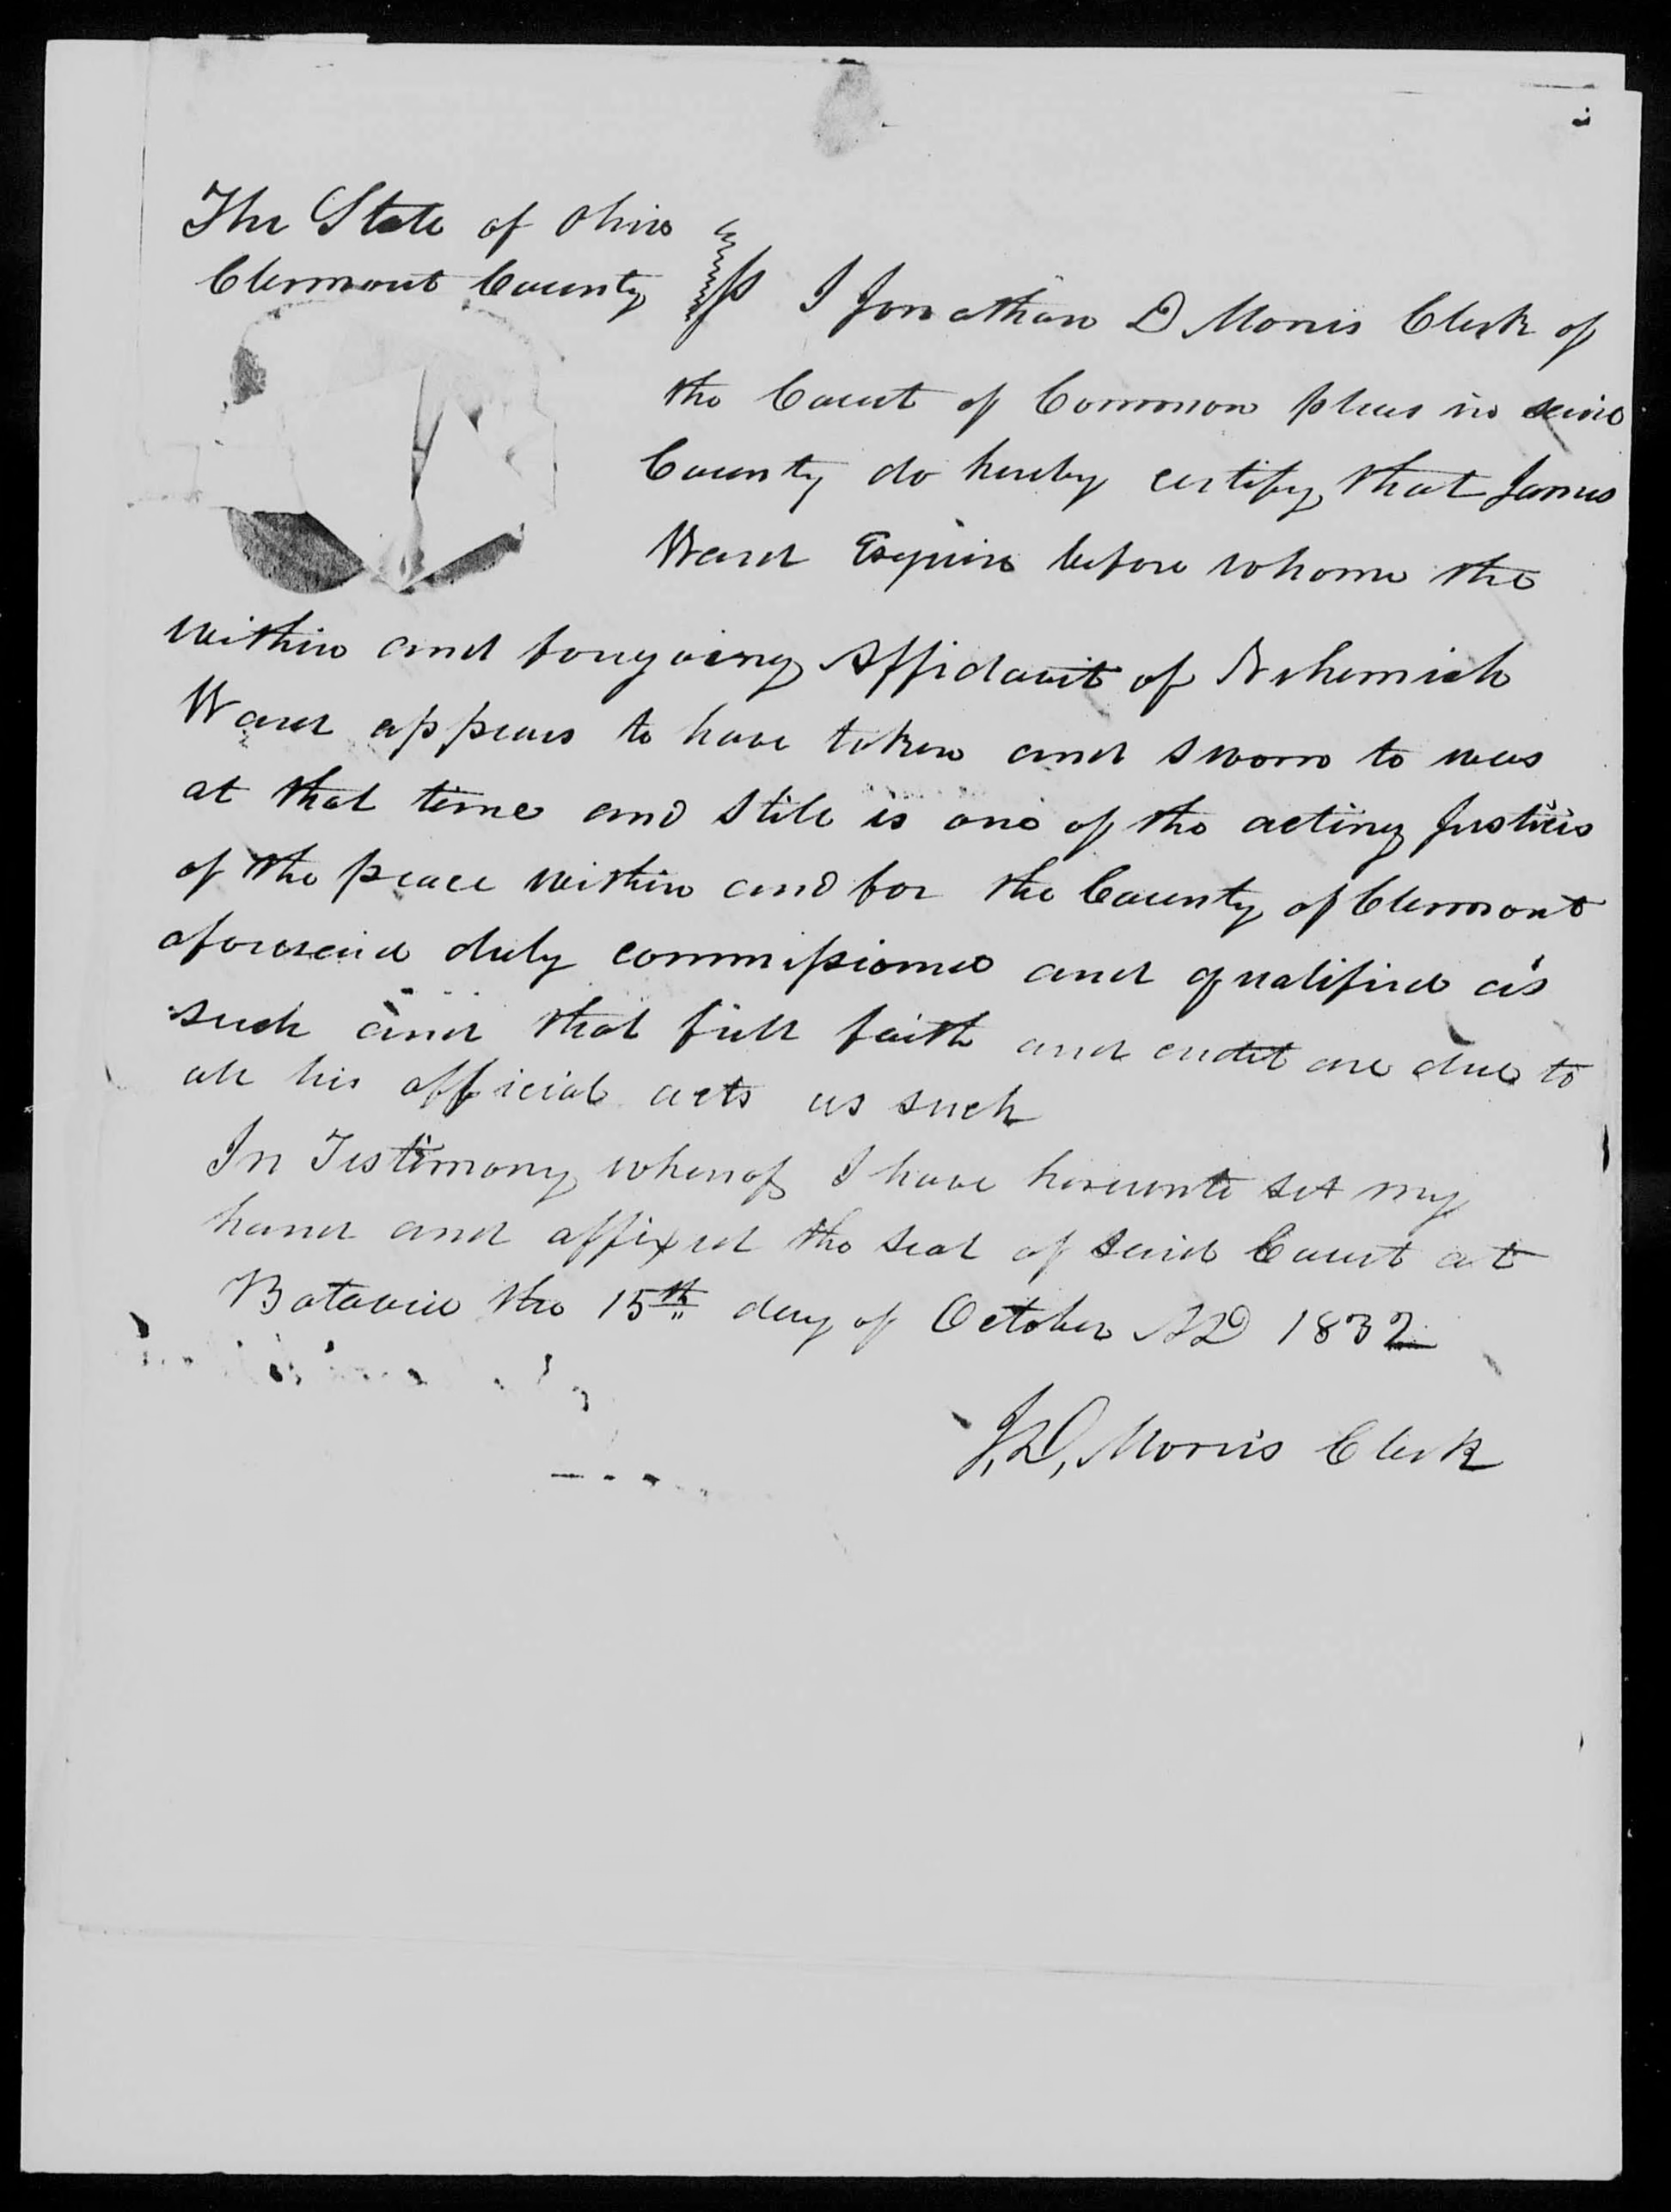The State of Ohio
Clermont County }ss.
I Jonathan D Morris Clerk of the Court of Common Pleas in said county do hereby certify that James Ward Esquire before whom the within and foregoing affidavit of Nehemiah Ward appears to have taken and sworn to was at that time and still is one of the acting Justices of the Peace within and for the County of Clermont aforesaid duly commissioned and qualified as such and that full faith and credit are due to all his official acts as such.
In testimony whereof I have hereunto set my hand and affixed the seal of said court at Batavia the 15th day of October AD 1832
J.D. Morris Clerk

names: Nehemiah Ward, James Ward, J D Morris, Jonathan D Morris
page: 24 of 67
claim: rejected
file: R. 1009, Aaron Bonnel, New Jersey